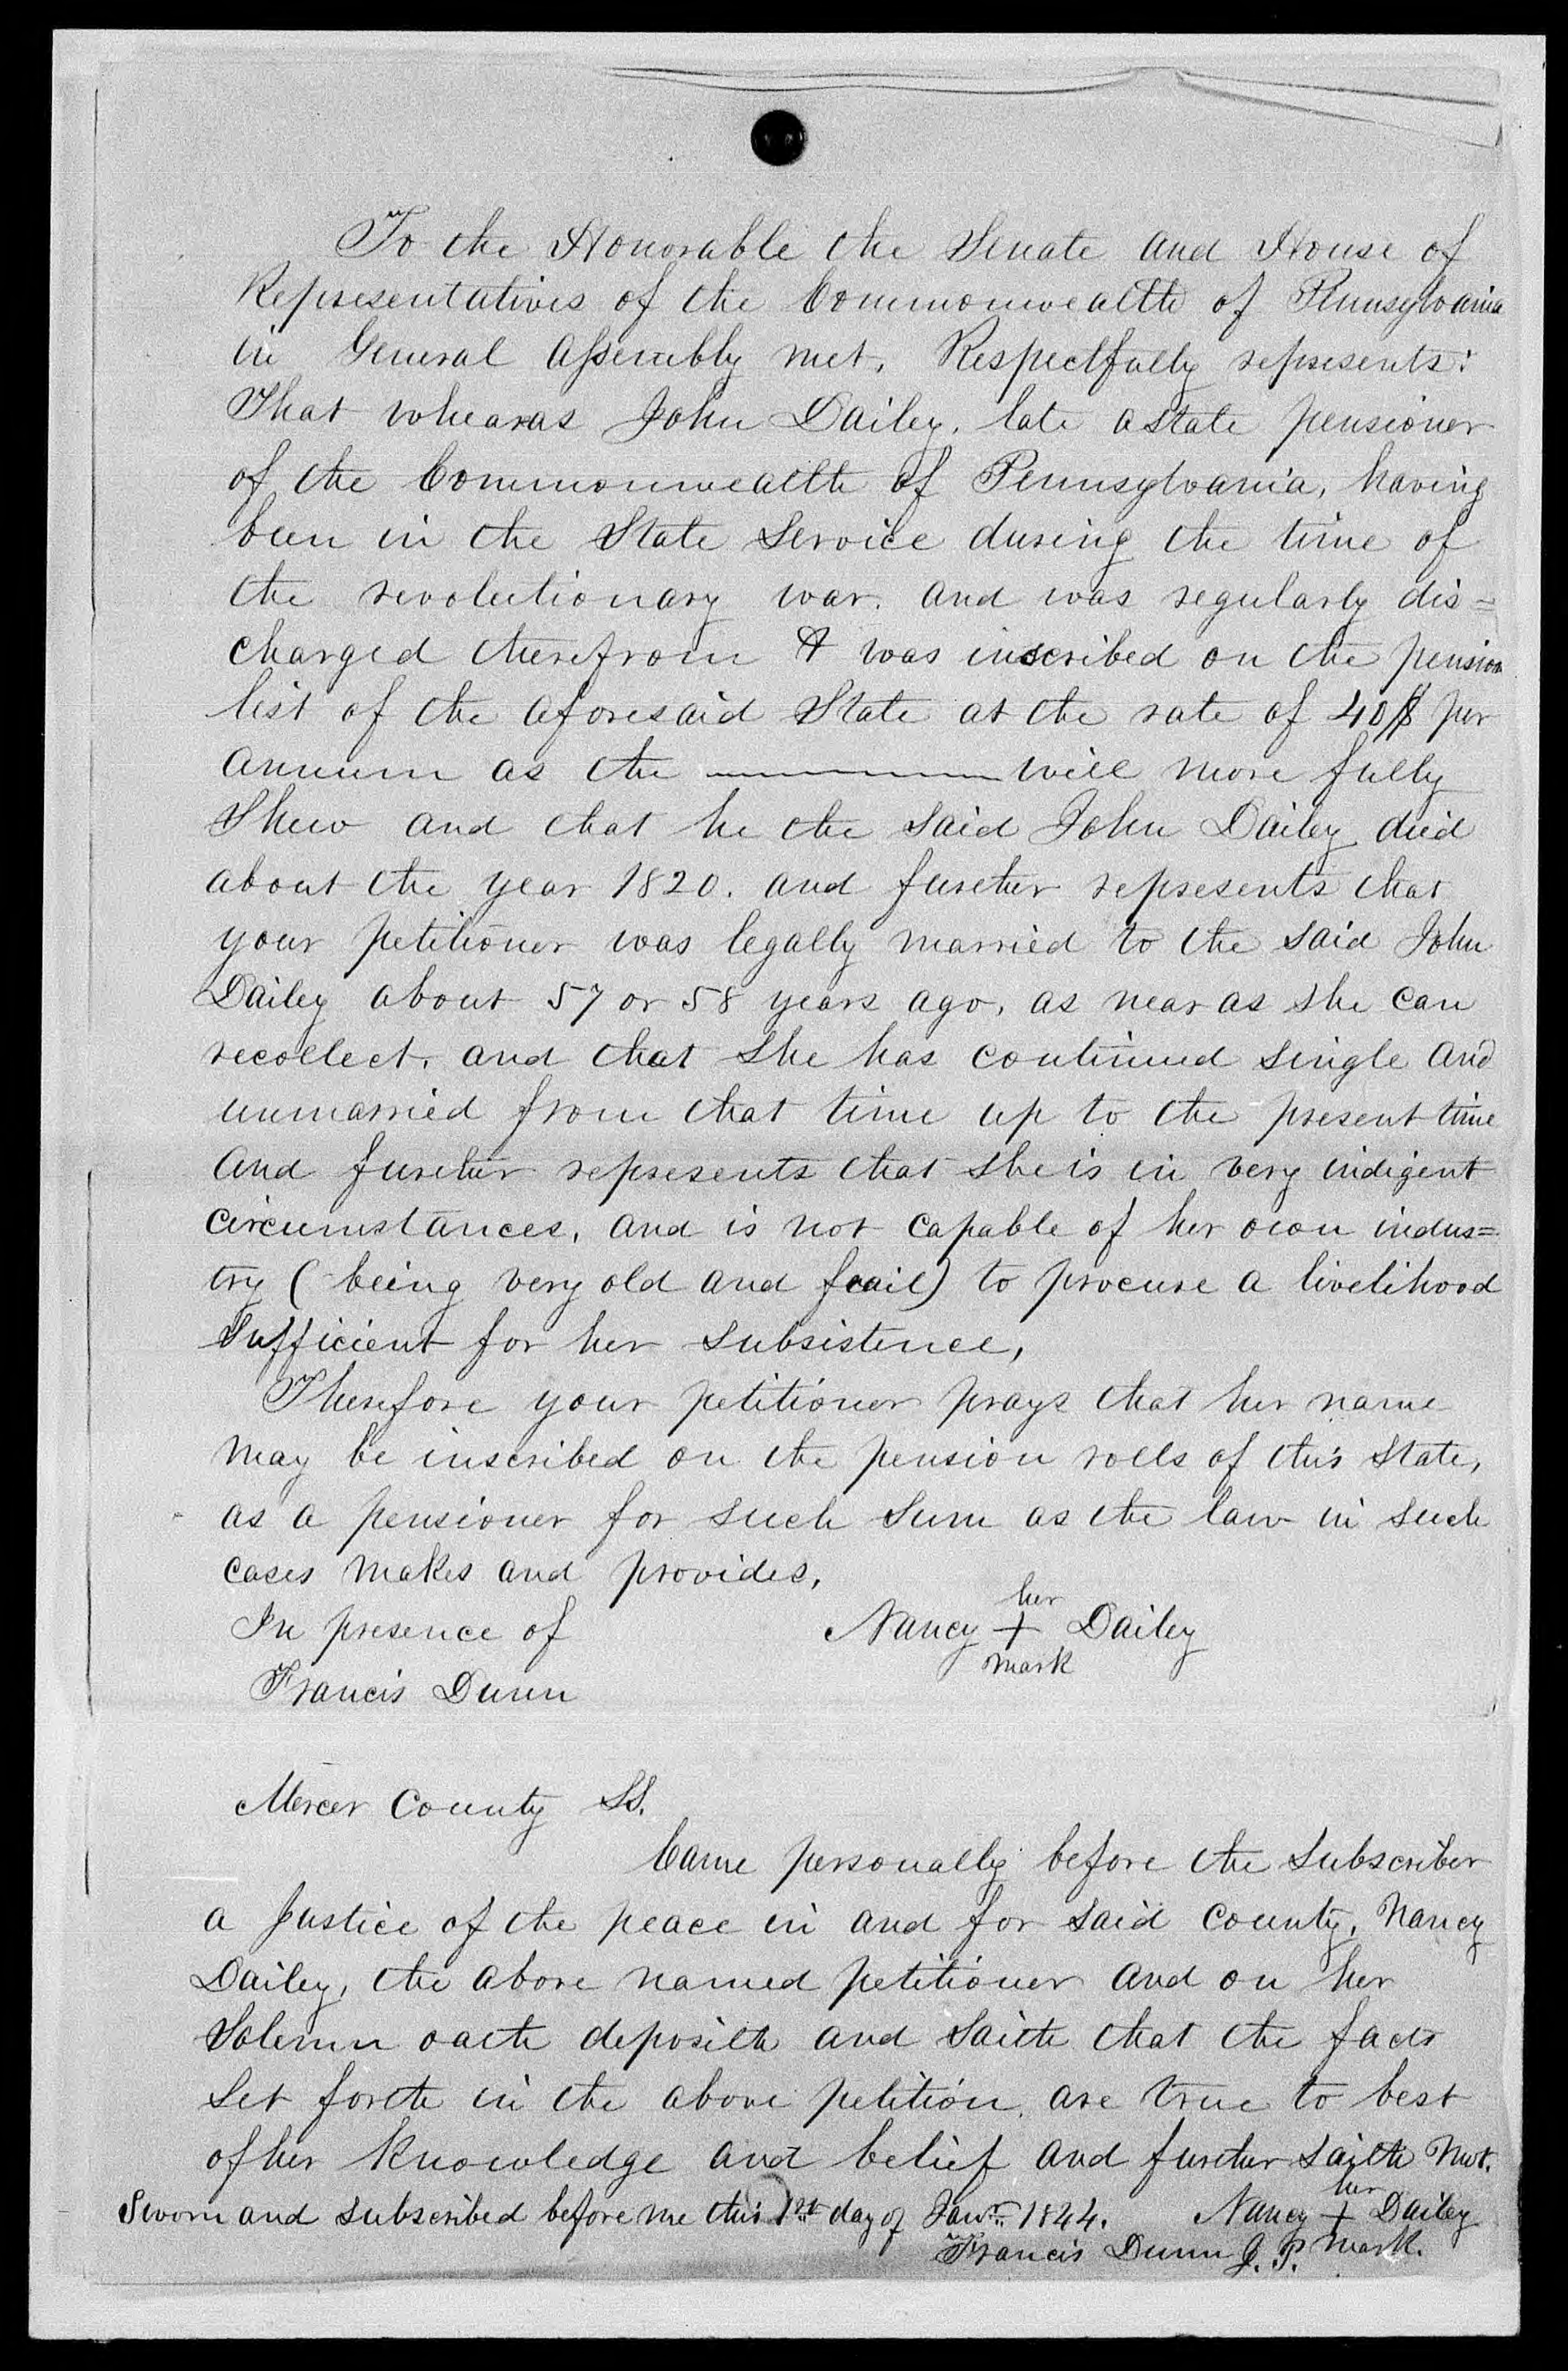To the Honorable the Senate and House of Representatives of the Commonwealth of Pennsylvania in General Assembly met, Respectfully represents: That whereas John Dailey, late a state pensioner of the Commonwealth of Pennsylvania, having been in the State Service during the time of the revolutionary war, and was regularly discharged therefrom & was inscribed on the pension list of the aforesaid State at the rate of 40$ per annum as the [blank] will more fully show and that he the said John Dailey died about the year 1820, and further represents that your petitioner was legally married to the said John Dailey about 57 or 58 years ago, as near as she can recollect, and that she has continued single and unmarried from that time up to the present time and further represents that she is in very indigent circumstances, and is not capable of her own industry (being very old and frail) to procure a livelihood sufficient for her subsistence,
Therefore your petitioner prays that her name may be inscribed on the pension rolls of this State, as a pensioner for such sum as the law in such cases makes and provides.
Nancy Dailey
X
her mark
In the presence of
Francis Dunn

Mercer County SS.
Came personally before the Subscriber a Justice of the peace in and for said county, Nancy Dailey, the above named petitioner and on her Solemn oath deposith and saith that the facts set forth in the above petition are true to best of her knowledge and belief and further saith not.
her mark
X
Nancy Dailey
Sworn and Subscribed before me this 1st day of Jan. 1844.
Francis Dunn J.P.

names: John Dailey, John Dailey, John Dailey, Nancy Dailey, Francis Dunn, Francis Dunn, Nancy Dailey, Nancy Dailey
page: 53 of 63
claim: widow's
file: W. 3228, John Daly, Penn.